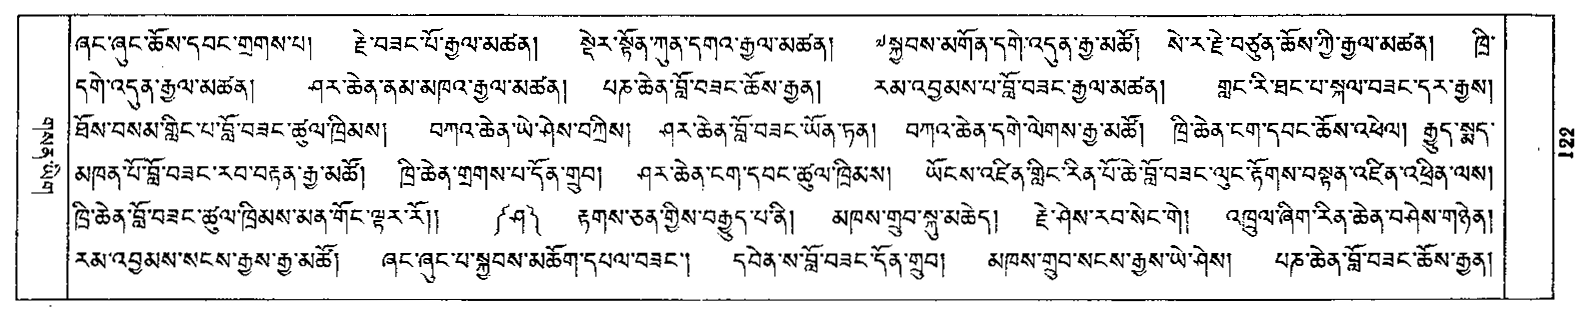ཞང་ཞུང་ཆོས་དབང་གྲགས་པ། རྗེ་བཟང་པོ་རྒྱལ་མཚན། སྡེར་སྟོན་ཀུན་དགའ་རྒྱལ་མཚན། ༧་སྐྱབས་མགོན་དགེ་འདུན་རྒྱ་མཚོ། སེ་ར་རྗེ་བཙུན་ཆོས་ཀྱི་རྒྱལ་མཚན། ཁྲི་
དགེ་འདུན་རྒྱལ་མཚན། ཤར་ཆེན་ནམ་མཁའ་རྒྱལ་མཚན། པཎ་ཆེན་བློ་བཟང་ཆོས་རྒྱན། རམ་འབྱམས་པ་བློ་བཟང་རྒྱལ་མཚན། གླང་རི་ཐང་པ་སྐལ་བཟང་དར་རྒྱས།
ཐོས་བསམ་གླིང་པ་བློ་བཟང་ཚུལ་ཁྲིམས། བཀའ་ཆེན་ཡེ་ཤེས་བཀྲིས། ཤར་ཆེན་བློ་བཟང་ཡོན་ཏན། བཀའ་ཆེན་དགེ་ལེགས་རྒྱ་མཚོ། ཁྲི་ཆེན་ངག་དབང་ཆོས་འཕེལ། རྒྱུད་སྨད་
མཁན་པོ་བློ་བཟང་རབ་བརྟན་རྒྱ་མཚོ། ཁྲི་ཆེན་གྲགས་པ་དོན་གྲུབ། ཤར་ཆེན་ངག་དབང་ཚུལ་ཁྲིམས། ཡོངས་འཛིན་གླིང་རིན་པོ་ཆེ་བློ་བཟང་ལུང་རྟོགས་བསྟན་འཛིན་འཕྲིན་ལས།
ཁྲི་ཆེན་བློ་བཟང་ཚུལ་ཁྲིམས་མན་གོང་ལྟར་རོ།། ཤ྄་རྟགས་ཅན་གྱིས་བརྒྱུད་པ་ནི། མཁས་གྲུབ་སྐུ་མཆེད། རྗེ་ཤེས་རབ་སེང་གེ། འཁྲུལ་ཞིག་རིན་ཆེན་བཤེས་གཉེན།
རམ་འབྱམས་སངས་རྒྱས་རྒྱ་མཚོ། ཞང་ཞུང་པ་སྐྱབས་མཆོག་དཔལ་བཟང་། དབེན་ས་བློ་བཟང་དོན་གྲུབ། མཁས་གྲུབ་སངས་རྒྱས་ཡེ་ཤེས། པཎ་ཆེན་བློ་བཟང་ཆོས་རྒྱན།